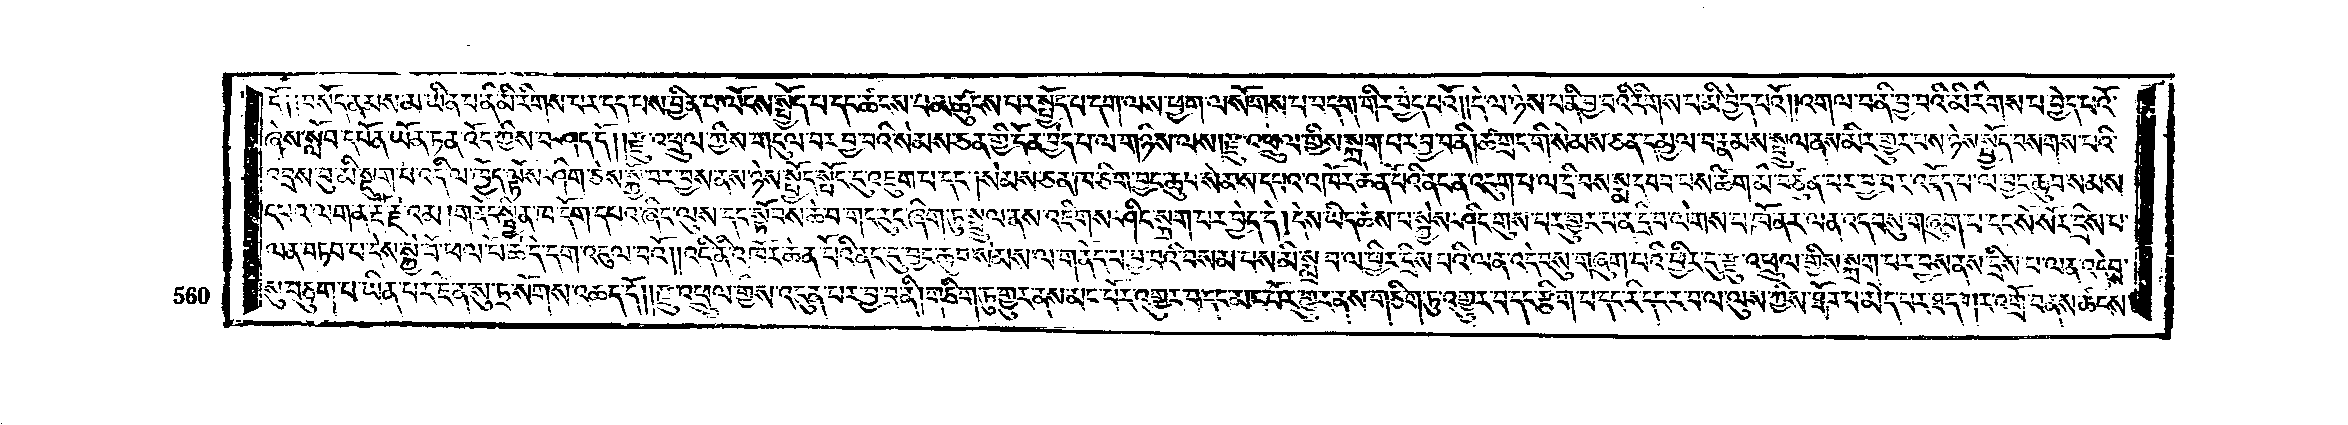དོ༑ ༑བསོད་ནམས་མ་ཡིན་པ་ནི་མི་རིགས་པར་དད་པས་བྱིན་པ་ལོངས་སྤྱོད་པ་དང་ཚངས་པ་མཚུངས་པར་སྤྱོད་པ་དག་ལས་ཕྱག་ལ་སོགས་པ་བདག་གིར་བྱེད་པའོ། །དེ་ལ་ཉེས་པ་ནི་བྱ་བའི་རིགས་པ་མི་བྱེད་པའོ། །འགལ་བ་ནི་བྱ་བའི་མི་རིགས་པ་བྱེད་པའོ་
ཞེས་སློབ་དཔོན་ཡོན་ཏན་འོད་ཀྱིས་བཤད་དོ། །རྫུ་འཕྲུལ་ཀྱིས་གདུལ་བར་བྱ་བའི་སེམས་ཅན་གྱི་དོན་བྱེད་པ་ལ་གཉིས་ལས། རྫུ་འཕྲུལ་གྱིས་སྐྲག་པར་བྱ་བ་ནི། ཚ་གྲང་གི་སེམས་ཅན་དམྱལ་བ་རྣམས་སྤྲུལ་ནས་མིར་གྱུར་པས་ཉེས་སྤྱོད་བསགས་པའི་
འབྲས་བུ་མི་སྡུག་པ་འདི་ལ་ཁྱོད་ལྟོས་ཤིག་ཅེས་སྐྱོ་བར་བྱས་ནས་ཉེས་སྤྱོད་སྤོང་དུ་འཇུག་པ་དང་། སེམས་ཅན་ཁ་ཅིག་བྱང་ཆུབ་སེམས་དཔའ་འཁོར་ཆེན་པོའི་ནང་ན་འདུག་པ་ལ་དྲི་བས་སྨ་དབབ་པས་ཚིག་མི་བཙུན་པར་བྱ་བར་འདོད་པ་ལ་བྱང་ཆུབ་སེམས་
དཔའ་ལག་ན་རྡོ་རྗེ་འམ། གནོད་སྦྱིན་ཁ་དོག་དཔའ་ཞིང་ལུས་དང་སྟོབས་ཆེ་བ་གང་རུང་ཞིག་ཏུ་སྤྲུལ་ནས་འཇིགས་ཤིང་སྐྲག་པར་བྱེད་དེ། དེས་ཡིད་ཆེས་པ་སྐྱེས་ཤིང་གུས་པར་གྱུར་པ་ན་དྲི་བ་ལེགས་པ་ཁོ་ནར་ལན་འདབས་སུ་གཞུག་པ་དང་སོ་སོར་དྲིས་པ་
ལན་བཏབ་པ་དེས་སྐྱེ་བོ་ཕལ་པོ་ཆེ་དེ་དག་འདུལ་བའོ། །འདི་ནི་འཁོར་ཆེན་པོའི་ནང་དུ་བྱང་ཆུབ་སེམས་ལ་གནོད་པ་བྱ་བའི་བསམ་པས་མི་སྨྲ་བ་ལ་ཕྱིར་དྲིས་པའི་ལན་འདེབས་སུ་གཞུག་པའི་ཕྱིར་དུ་རྫུ་འཕྲུལ་གྱིས་སྐྲག་པར་བྱས་ནས་དྲིས་པ་ལན་འདེབས་
སུ་བཅུག་པ་ཡིན་པར་ཛི་ན་སུ་ཏྲ་སོགས་འཆད་དོ། །རྫུ་འཕྲུལ་གྱིས་འདུན་པར་བྱ་བ་ནི། གཅིག་ཏུ་གྱུར་ནས་མང་པོར་འགྱུར་བ་དང་མང་པོར་གྱུར་ནས་གཅིག་ཏུ་འགྱུར་བ་དང་རྩིག་པ་དང་རི་དང་ར་བ་ལ་ལུས་ཀྱིས་ཐོགས་པ་མེད་པར་ཐད་ཀར་འགྲོ་བ་ནས་ཚངས་